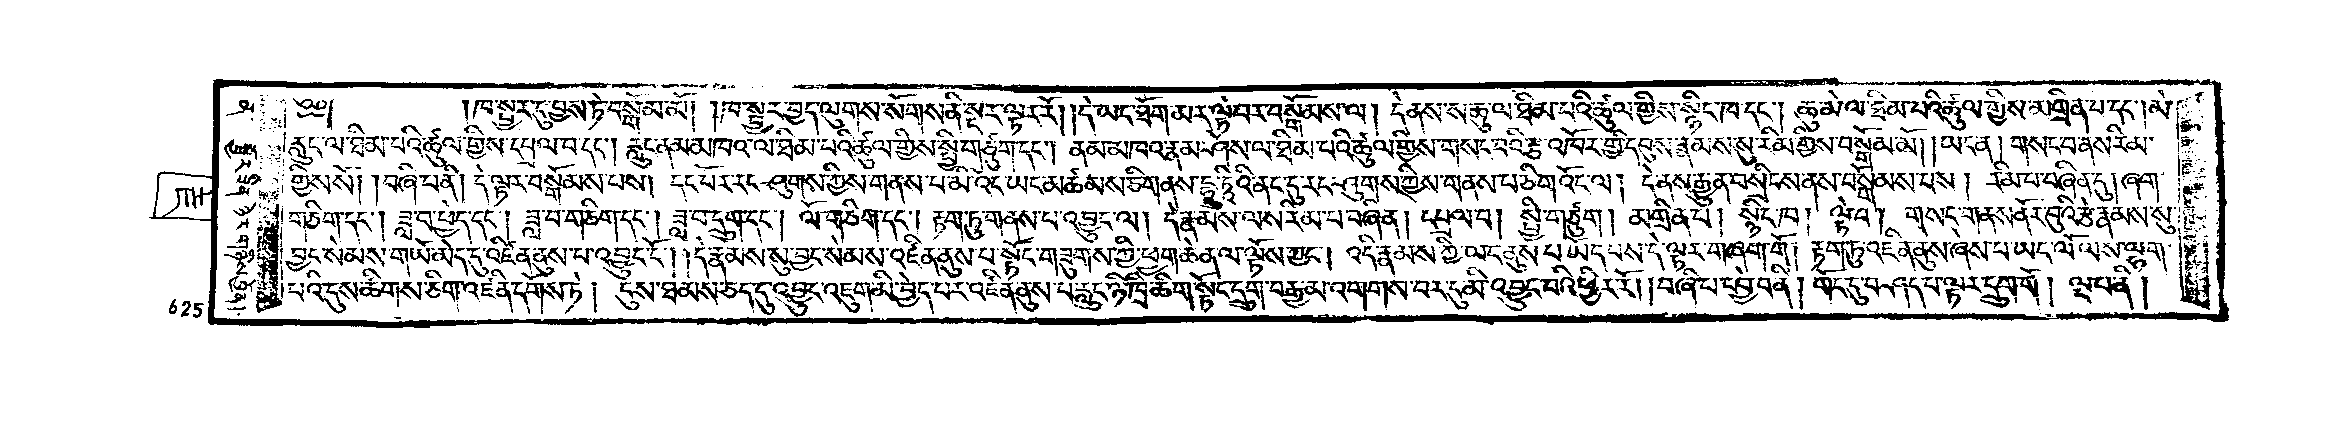༄༅། །ཁ་སྦྱར་དུ་བྱས་ཏེ་བསྒོམ་མོ། །ཁ་སྦྱར་བྱེད་ལུགས་སོགས་ནི་སྔར་ལྟར་རོ། །དེ་ཡང་ཐོག་མར་ལྟེ་བར་བསྒོམས་ལ། དེ་ནས་ས་ཆུ་ལ་ཐིམ་པའི་ཚུལ་གྱིས་སྙིང་ཁ་དང་། ཆུ་མེ་ལ་ཐིམ་པའི་ཚུལ་གྱིས་མགྲིན་པ་དང་། མི་
རླུང་ལ་ཐིམ་པའི་ཚུལ་གྱིས་དཔྲལ་བ་དང་། རླུང་ནམ་མཁའ་ལ་ཐིམ་པའི་ཚུལ་གྱིས་སྤྱི་གཙུག་དང་། ནམ་མཁའ་རྣམ་ཤེས་ལ་ཐིམ་པའི་ཚུལ་གྱིས་གསང་བའི་རྩ་འཁོར་གྱི་དབུས་རྣམས་སུ་རིམ་གྱིས་བསྒོམ་མོ། །ཡང་ན། གསང་བ་ནས་རིམ་
གྱིས་སོ། །བཞི་པ་ནི། དེ་ལྟར་བསྒོམས་པས། དང་པོར་རང་ཤུགས་ཀྱིས་གནས་པ་མི་འོང་ཡང་མཚམས་ཅིག་ནས་དྷཱུ་ཏཱིའི་ནང་དུ་རང་ཤུགས་ཀྱིས་གནས་པ་ཅིག་འོང་ལ། དེ་ནས་རྒྱུན་བསྲིངས་ནས་བསྒོམས་པས། རིམ་པ་བཞིན་དུ། ཞག་
གཅིག་དང་། ཟླ་བ་ཕྱེད་དང་། ཟླ་བ་གཅིག་དང་། ཟླ་བ་དྲུག་དང་། ལོ་གཅིག་དང་། རྟག་ཏུ་གནས་པ་འབྱུང་ལ། དེ་རྣམས་ལས་རིམ་པ་བཞིན། དཔྲལ་བ། སྤྱི་གཙུག །མགྲིན་པ། སྙིང་ཁ། ལྟེ་བ། གསང་གནས་ནོར་བུའི་རྩེ་རྣམས་སུ་
བྱང་སེམས་གཡོ་མེད་དུ་འཛིན་ནུས་པ་འབྱུང་ངོ། །དེ་རྣམས་སུ་བྱང་སེམས་འཛིན་ནུས་པ་སྟོང་གཟུགས་ཀྱི་ཕྱག་ཆེན་ལ་ལྟོས་ཀྱང་། འདི་རྣམས་ཀྱི་ཡང་ནུས་པ་ཡོད་པས་དེ་ལྟར་གཞག་གོ །རྟག་ཏུ་འཛིན་ནུས་ཞེས་པ་ཡང་ལོ་ལས་ལྷག་
པའི་དུས་ཚིགས་ཅིག་འཛིན་དགོས་ཏེ། དུས་ཐམས་ཅད་དུ་འབྱུང་འཇུག་མི་བྱེད་པར་འཛིན་ནུས་པ་རླུང་ཉི་ཁྲི་ཆིག་སྟོང་དྲུག་བརྒྱ་མ་འགགས་པར་དུ་མི་འབྱུང་བའི་ཕྱིར་རོ། །བཞི་པ་དབྱེ་བ་ནི། གོང་དུ་བཤད་པ་ལྟར་དྲུག་གོ །ལྔ་པ་ནི།